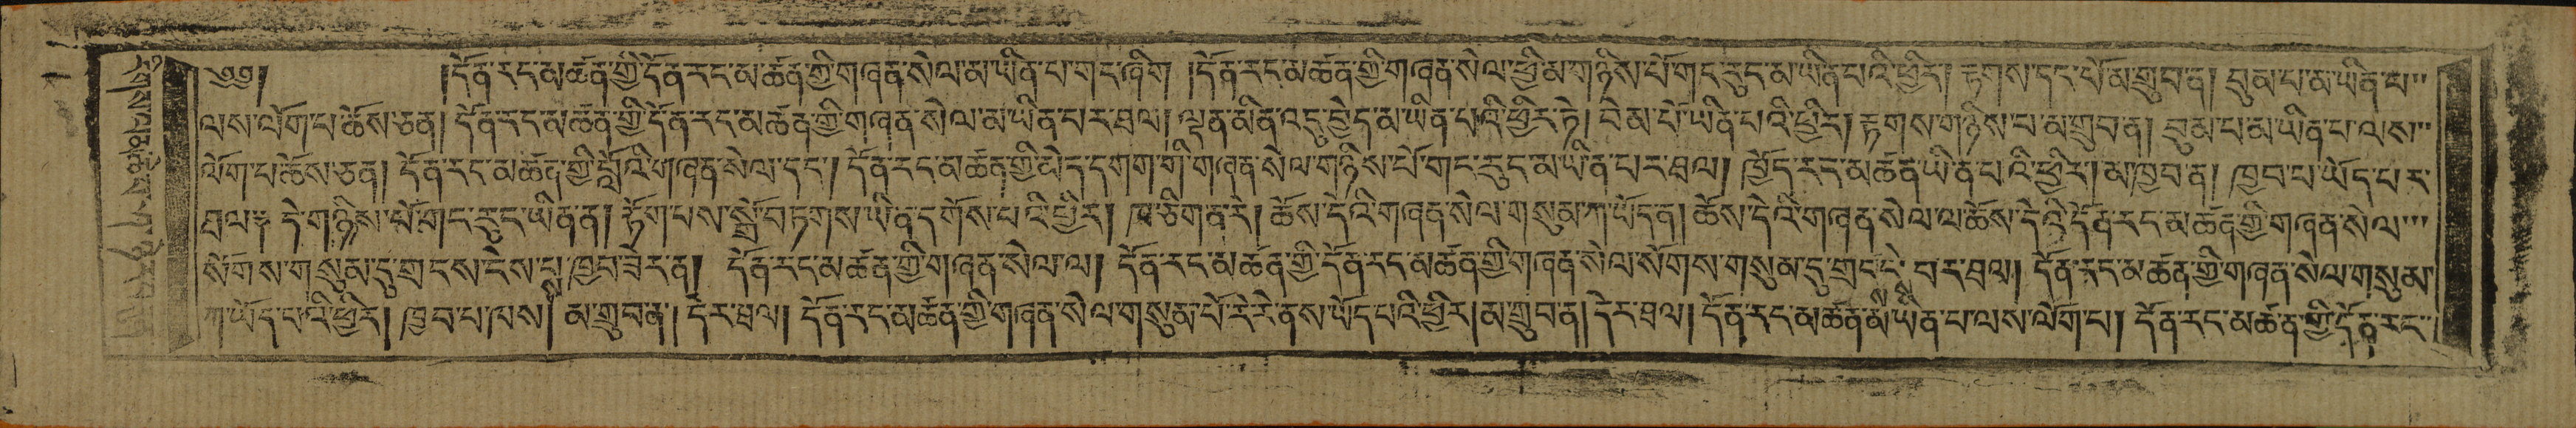༄༅། །དོན་རང་མཚན་གྱི་དོན་རང་མཚན་གྱི་གཞན་སེལ་མ་ཡིན་པ་གང་ཞིག །དོན་རང་མཚན་གྱི་གཞན་སེལ་ཕྱི་མ་གཉིས་པོ་གང་རུང་མ་ཡིན་པའི་ཕྱིར། རྟགས་དང་པོ་མ་གྲུབ་ན། བུམ་པ་མ་ཡིན་པ་
ལས་ལོག་པ་ཆོས་ཅན། དོན་རང་མཚན་གྱི་དོན་རང་མཚན་གྱི་གཞན་སེལ་མ་ཡིན་པར་ཐལ། ལྡན་མིན་འདུ་བྱེད་མ་ཡིན་པའི་ཕྱིར་ཏེ། བེམ་པོ་ཡིན་པའི་ཕྱིར། རྟགས་གཉིས་པ་མ་གྲུབ་ན། བུམ་པ་མ་ཡིན་པ་ལས་
ལོག་པ་ཆོས་ཅན། དོན་རང་མཚན་གྱི་བློའི་གཞན་སེལ་དང་། དོན་རང་མཚན་གྱི་མེད་དགག་གི་གཞན་སེལ་གཉིས་པོ་གང་རུང་མ་ཡིན་པར་ཐལ། ཁྱོད་རང་མཚན་ཡིན་པའི་ཕྱིར། མ་ཁྱབ་ན། ཁྱབ་པ་ཡོད་པར་
ཐལ༑ དེ་གཉིས་པོ་གང་རུང་ཡིན་ན། རྟོག་པས་སྒྲོ་བཏགས་ཡིན་དགོས་པའི་ཕྱིར། ཁ་ཅིག་ན་རེ། ཆོས་དེའི་གཞན་སེལ་གསུམ་ཀ་ཡོད་ན། ཆོས་དེའི་གཞན་སེལ་ལ་ཆོས་དེའི་དོན་རང་མཚན་གྱི་གཞན་སེལ་
སོགས་གསུམ་དུ་གྲངས་ངེས་པས་ཁྱབ་ཟེར་ན། དོན་རང་མཚན་གྱི་གཞན་སེལ་ལ། དོན་རང་མཚན་གྱི་དོན་རང་མཚན་གྱི་གཞན་སེལ་སོགས་གསུམ་དུ་གྲངས་ངེས་པར་ཐལ། དོན་རང་མཚན་གྱི་གཞན་སེལ་གསུམ་
ཀ་ཡོད་པའི་ཕྱིར། ཁྱབ་པ་ཁས། མ་གྲུབ་ན། དེར་ཐལ། དོན་རང་མཚན་གྱི་གཞན་སེལ་གསུམ་པོ་རེ་རེ་ནས་ཡོད་པའི་ཕྱིར། མ་གྲུབ་ན། དེར་ཐལ། དོན་རང་མཚན་མ་ཡིན་པ་ལས་ལོག་པ། དོན་རང་མཚན་གྱི་དོན་རང་